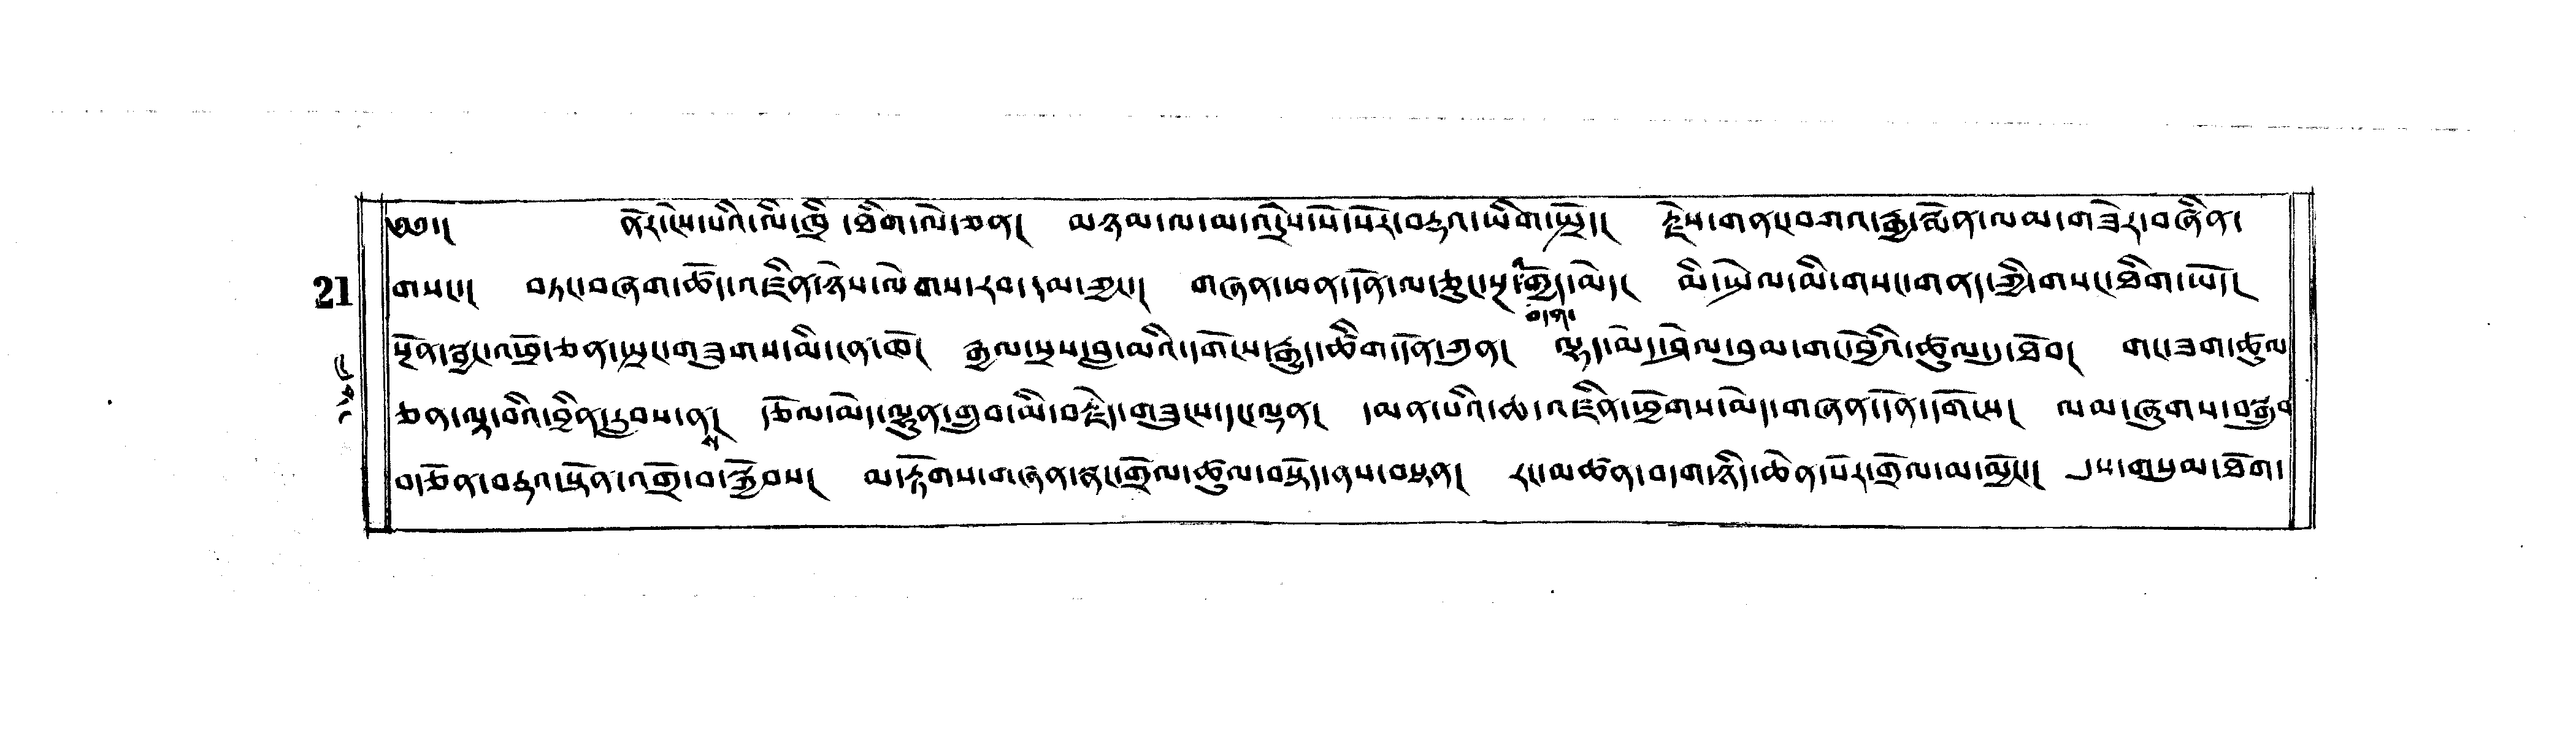ནོར་ངེས་པའི་ལི་ཁྲི་ཐིག་ལེ་ཅན། མཉམ་ལ་མ་འདྲེས་སོ་སོར་བརྡ་ཡིག་སྤྲོད། རྗེས་གནང་བཀའ་རྒྱ་སྨོན་ལམ་གཟེར་བཞིན་
གསང་། བཏང་བཞག་ཚོད་ཟིན་ཉེས་ལེགས་རབ་དམ་ཀྱང་། གཞན་ཕན་དོན་ལ་ཅུང་སྔ་བདག་འགྱོད་མེད། མི་སྤེལ་མི་གསང་གནད་ཀྱི་གསང་ཐིག་ཡོད། 
སྔོན་སྦྱངས་འཕྲོ་ཅན་སྤྲང་གཟུགས་མི་ངན་ཁོ། རྒྱལ་སྲས་བླ་མའི་དགོངས་རྒྱུད་ཚིག་དོན་ཀུན། ལྷད་མེད་ཤེལ་བུམ་གང་བྱོའི་ཚུལ་དུ་ཐོབ། གང་ཟག་ཚུལ་
ཅན་ལྟ་བའི་བྱིན་རླབས་ནས། རྩོལ་མེད་ལྷུན་གྲུབ་མི་བརྗེད་གཟུངས་དང་ལྡན། དམན་པའི་ཆ་འཛིན་ཕྱོགས་མེད་གཞན་དོན་དགོངས། ལམ་ཞུགས་བསྒྲུབ་
བརྩོན་བརྡ་སྟོན་འགྲོ་བ་སྐྱོབས། མ་རྟོགས་གཞན་སྣང་གྲོལ་ཚུལ་བསྟོད་ནས་བསྟན། རང་མཚན་བདག་ཉིད་ཆེན་པོར་གྲོལ་མ་མྱོང་། དུས་གསུམ་ཐོག་